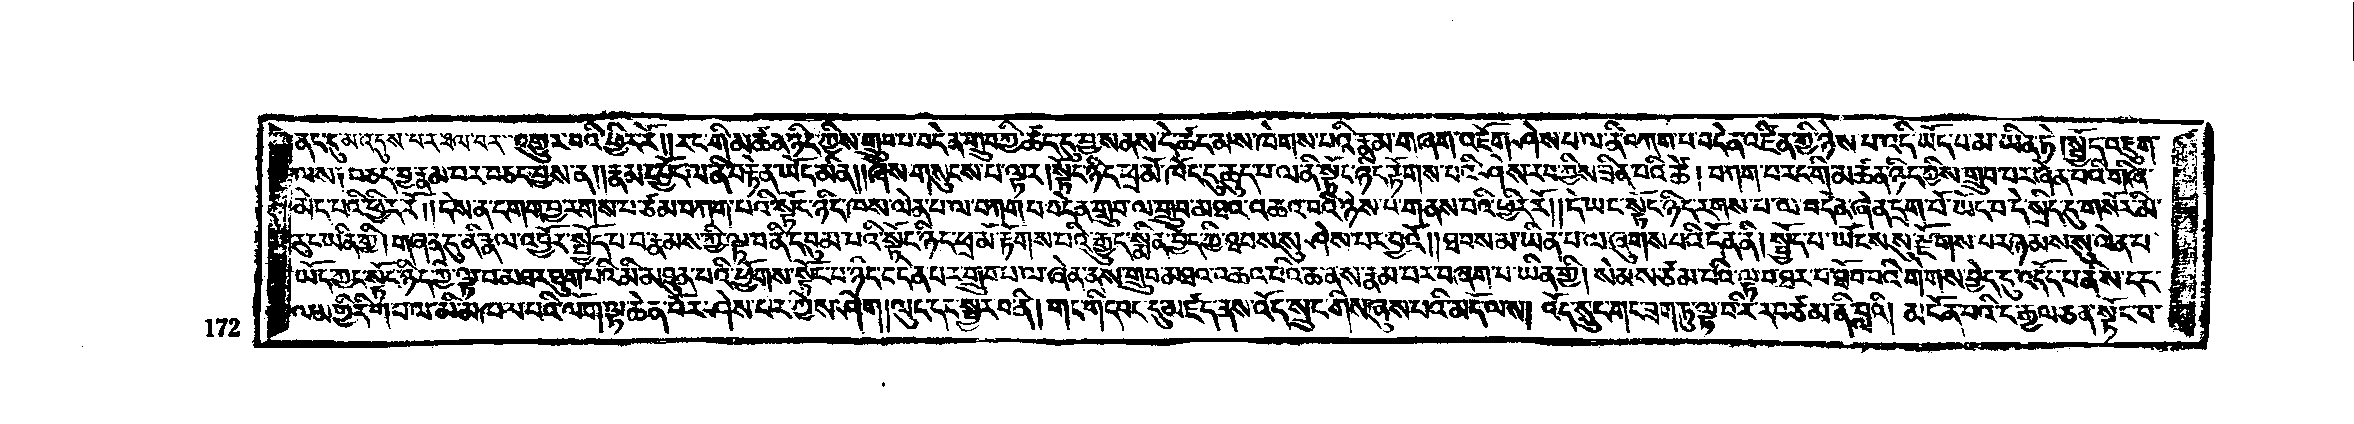ནང་དུ་མ་འདུས་པར་ཐལ་པར་འགྱུར་བའི་ཕྱིར་རོ། །རང་གི་མཚན་ཉིད་ཀྱིས་གྲུབ་པ་བདེན་གྲུབ་ཀྱི་ཚད་དུ་བྱས་ནས་དེ་ཚད་མས་ཁེགས་པའི་རྣམ་གཞག་འཇོག་ཤེས་པ་ལ་ནི་བཀག་པ་བདེན་འཛིན་གྱི་ཉེས་པ་འདི་ཡོད་པ་མ་ཡིན་ཏེ། སྤྱོད་འཇུག་
ལས༑ བཅད་བྱ་རྣམ་པར་བཅད་བྱས་ན། །རྣམ་དཔྱོད་ལ་ནི་བརྟེན་ཡོད་མིན། །ཞེས་གསུངས་པ་ལྟར། སྟོང་ཉིད་ཕྲ་མོ་ཁོང་དུ་ཆུད་པ་ལ་ནི་སྟོང་ཉིད་རྟོགས་པའི་ཤེས་རབ་ཀྱིས་ཟིན་པའི་ཚེ། བཀག་པ་རང་གི་མཚན་ཉིད་ཀྱིས་གྲུབ་པར་ཞེན་པའི་གཞི་
མེད་པའི་ཕྱིར་རོ། །དེས་ན་དགག་བྱ་རགས་པ་ཙམ་བཀག་པའི་སྟོང་ཉིད་ཁས་ལེན་པ་ལ་བཀག་པ་བདེན་གྲུབ་ལ་གྲུབ་མཐའ་འཆའ་བའི་ཉེས་པ་གནས་པའི་ཕྱིར་རོ། །དེ་ཡང་སྟོང་ཉིད་རགས་པ་ལ་བདེན་ཞེན་དྲག་པོ་ཡོད་པ་དེ་སྲིད་དུ་གསོར་མི་
རུང་ཡིན་གྱི་།གཞན་དུ་ནི་རྣལ་འབྱོར་སྤྱོད་པ་བ་རྣམས་ཀྱི་ལྟ་བ་ནི་དབུ་མ་པའི་སྟོང་ཉིད་ཕྲ་མོ་རྟོགས་པའི་རྒྱུད་སྨིན་བྱེད་ཀྱི་ཐབས་སུ་ཤེས་པར་བྱའོ། །ཐབས་མ་ཡིན་པ་ལ་ཞུགས་པའི་དོན་ནི། སྤྱོད་པ་ཡོངས་སུ་རྫོགས་པར་ཉམས་སུ་ལེན་པ་
ཡོད་ཀྱང་སྟོང་ཉིད་ཀྱི་ལྟ་བ་མཐར་ཐུག་པའི་མི་མཐུན་པའི་ཕྱོགས་སྟོང་པ་ཉིད་བདེན་པར་གྲུབ་པ་ལ་ཞེན་ནས་གྲུབ་མཐའ་འཆའ་བའི་ཆ་ནས་རྣམ་པར་བཞག་པ་ཡིན་གྱི་།སེམས་ཙམ་པའི་ལྟ་བ་ཐར་པ་ཐོབ་པའི་གེགས་བྱེད་དུ་འདོད་པ་ནི་ས་དང་
ལམ་གྱི་རིག་པ་ལ་མི་མཁལ་པའི་ལོག་ལྟ་ཆེན་པོར་ཤེས་པར་གྱིས་ཤིག །ལུང་དང་སྦྱར་བ་ནི། གང་གི་དབང་དུ་མཛད་ནས་འོད་སྲུང་གིས་ཞུས་པའི་མདོ་ལས། འོད་སྲུང་གང་ཟག་ཏུ་ལྟ་བ་རི་རབ་ཙམ་ནི་བླའི། མངོན་པའི་ང་རྒྱལ་ཅན་སྟོང་པ་